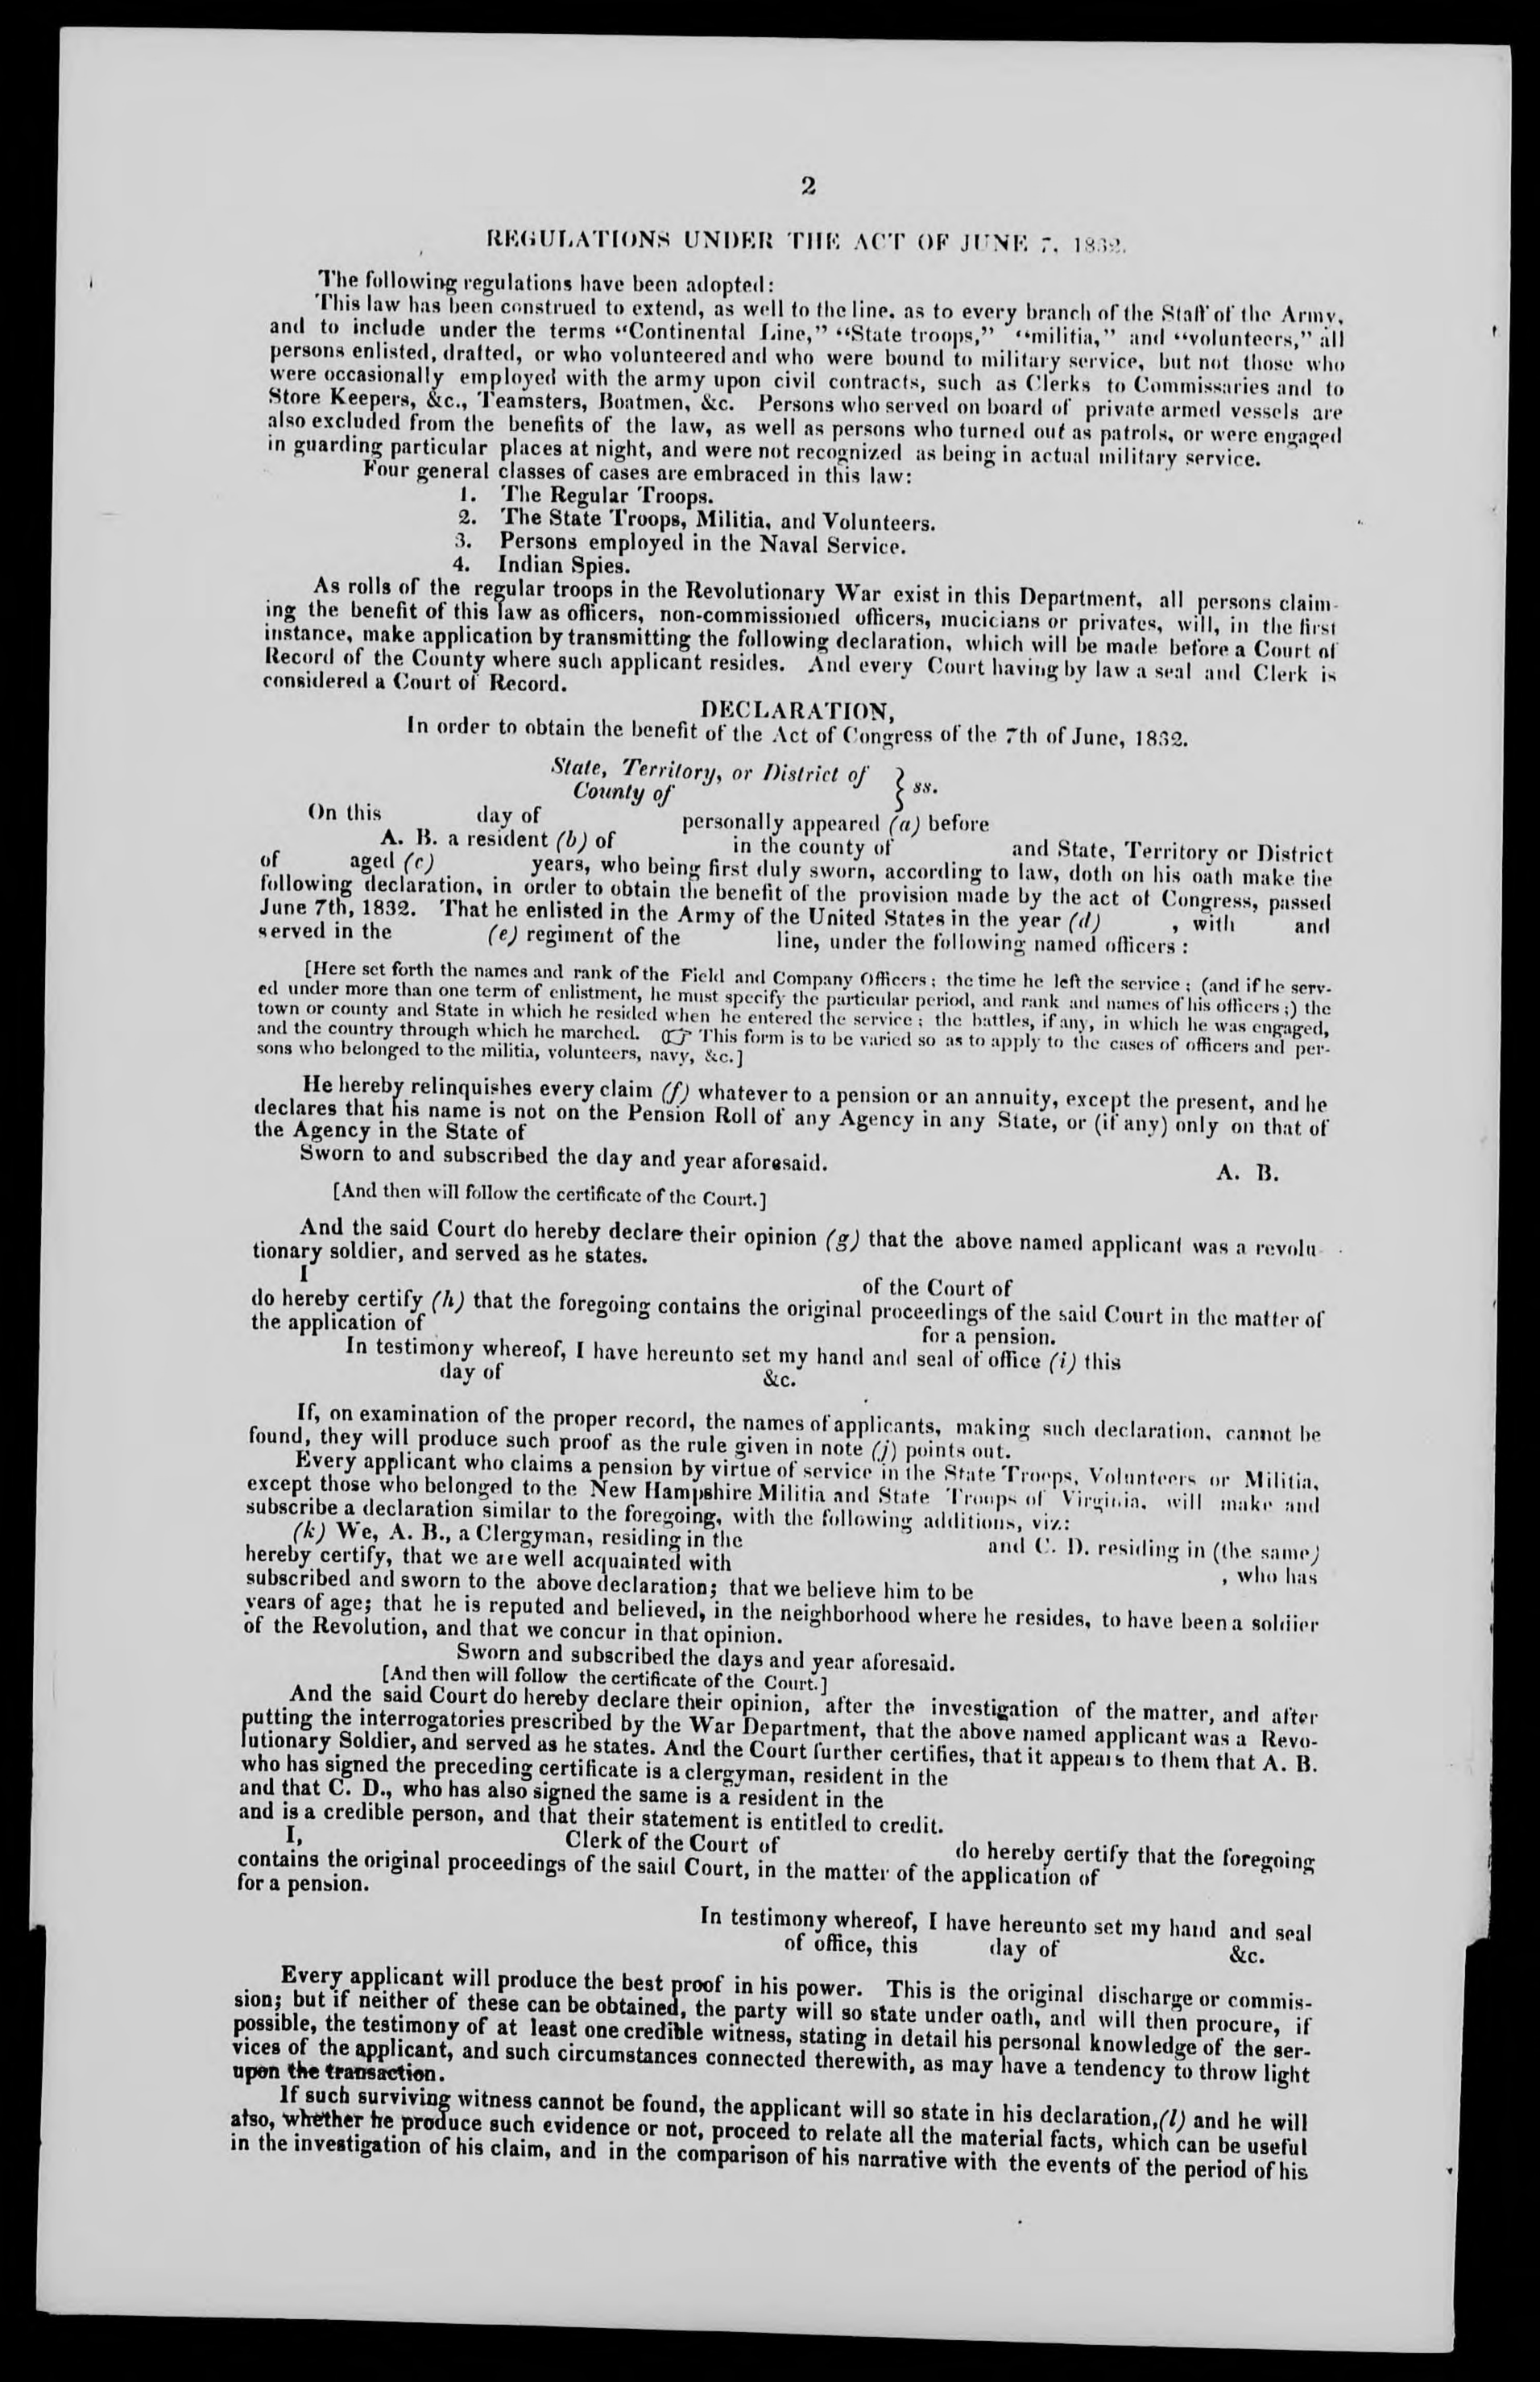2
REGULATIONS UNDER THE ACT OF JUNE 7, 1832

The following regulations have been adopted:
     This law has been construed to extend, as well to the line, as to every branch of the Staff of the Army, and to include under the terms "Continental Line," "State troops," "militia," and "volunteers," all persons enlisted, drafted, or who volunteered and who were bound to military service, but not those who were occasionally employed with the army upon civil contracts, such as Clerks to Commissaries and to Store Keepers, &c., Teamsters, Boatmen, &c.  Persons who served on board of private armed vessels are also excluded from the benefits of the law, as well as persons who turned out as patrols, or were engaged in guarding particular places at night, and were not recognized as being in actual military service. 
     Four general classes of cases are embraced in this law:
     1.  The Regular Troops.
     2.  The State Troops, Militia, and Volunteers.
     3.  Persons employed in the Naval Service.
     4.  Indian Spies.
     As rolls of the regular troops in the Revolutionary War exist in this Department, all persons claim-ing the benefit of this law as officers, non-commissioned officers, mucicians or privates, will, in the first instance, make application by transmitting the following declaration, which will be made before a Court of Record of the County where such applicant resides.  And every Court having by law a seal and Clerk is considered a Court of Record.

DECLARATION,
     In order to obtain the benefit of the Act of Congress of the 7th of June, 1832.
     State, Territory, or District of  }ss.
           County of 
On this     day of     personally appeared (a) before 
A. B. a resident (b) of      in the county of     and State, Territory or District of      aged (c)      years, who being first duly sworn, according to law, doth on his oath make the following declaration, in order to obtain the benefit of the provision made by the act of Congress, passed June 7th, 1832.  That he enlisted in the Army of the United States in the year (d)     , with and served in the         (e) regiment of the            line, under the following named officers:
[Here set for the the names and rank of the Field and Company Officers:  the time he left the service:  (and if he served under more than one term of enlistment, he must specify the particular period, and rand and names of his officers;) the town or county and State in which he resided when he entered the service:  the battles, if any, in which he was engaged, and the country through which he marched.  This form is to be varied so as to apply to the cases of officers and per-sons who belonged to the militia, volunteers, navy, &c.]
     
     He hereby relinquishes every claim (f) whatever to a pension or an annuity, except the present, and he declares that his name is not on the Pension Roll of any Agency in any State, or (if any) only on that of the Agency in the State of               Sworn to and subscribed the day and year aforesaid.    A.B.
[and then will follow the certificate of the Court.]

     And the said Court do hereby declare their opinion (g) that the above named applicant was a revolutionary soldier, and served as he states.
     I        of the Court of           do hereby certify (h) that the foregoing contains the original proceedings of the said Court in the matter of the application of            for a pension.
     In testimony whereof, I have hereunto set my hand and seal of office (i) this      day of     &c.     .
     If, on examination of the proper record, the names of applicants, making such declaration, cannot be found, they will produce such proof as the rule given in note (j) points out.
     Every applicant who claims a pension by virtue of service in the State Troops, Volunteers or Militia, subscribe a declaration similar to foregoing, with the following additions, via:     (k) We, A.S., a Clergyman, residing in the       and C.D. residing in (the same) hereby certify, that we are well acquainted with      , who has subscribed and sworn to the above declaration; that we believe him to be       years of age; that he is reputed and believed, in the neighborhood where he resides, to have been a soldier of the Revolution, and that we concur in that opinion.
     Sworn and subscribed the days an year aforesaid.  
     [And then will follow the certificate of the Court.]
And the said Court do hereby declare their opinion, after the investigation of the matter, and after putting the interrogatories prescribed by the War Department, that the above named applicant was a Revolutionary Sodier, and served as he states. And the Court further certifies, that it appears to them that A.B. who has signed the preceding certificate is a clergyman, resident in the     and that C.C., who has also signed the same is a resident in the     and is a credible person, and that their statement is entitled to credit.
     I,      Clerk of the Court of          do hereby certify that eh foregoing contains the orginal proceedings of the said Court, in the mtter of the application of    for a pension.  
     In testimony whereof, I have hereunto set my hand and seal of office, this   day of     &c.
     Every applicant will produce the best proof in his power.  This is the original discharge of commis-sion; but if neither of these can be obtained, the party will so state under oath, and will then procure, if possible, the testimony of at least one credible witness, stating in detail his personal knowledge of the ser-vices of the applicant, and such circumstances connected therewith, as may have a tendency to throw light upon the transaction.
     If such surviving witness cannot be found, the applicant will so state in his declaration, (l) and he will also, whether he produce such evidence or not, proceed to relate all the material facts, which can be useful in the investigation of his claim, and in the comparison of his narrative with the events of the period of his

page: 10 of 11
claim: survivor's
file: S. 31,576, Frederick Brown, Ga.